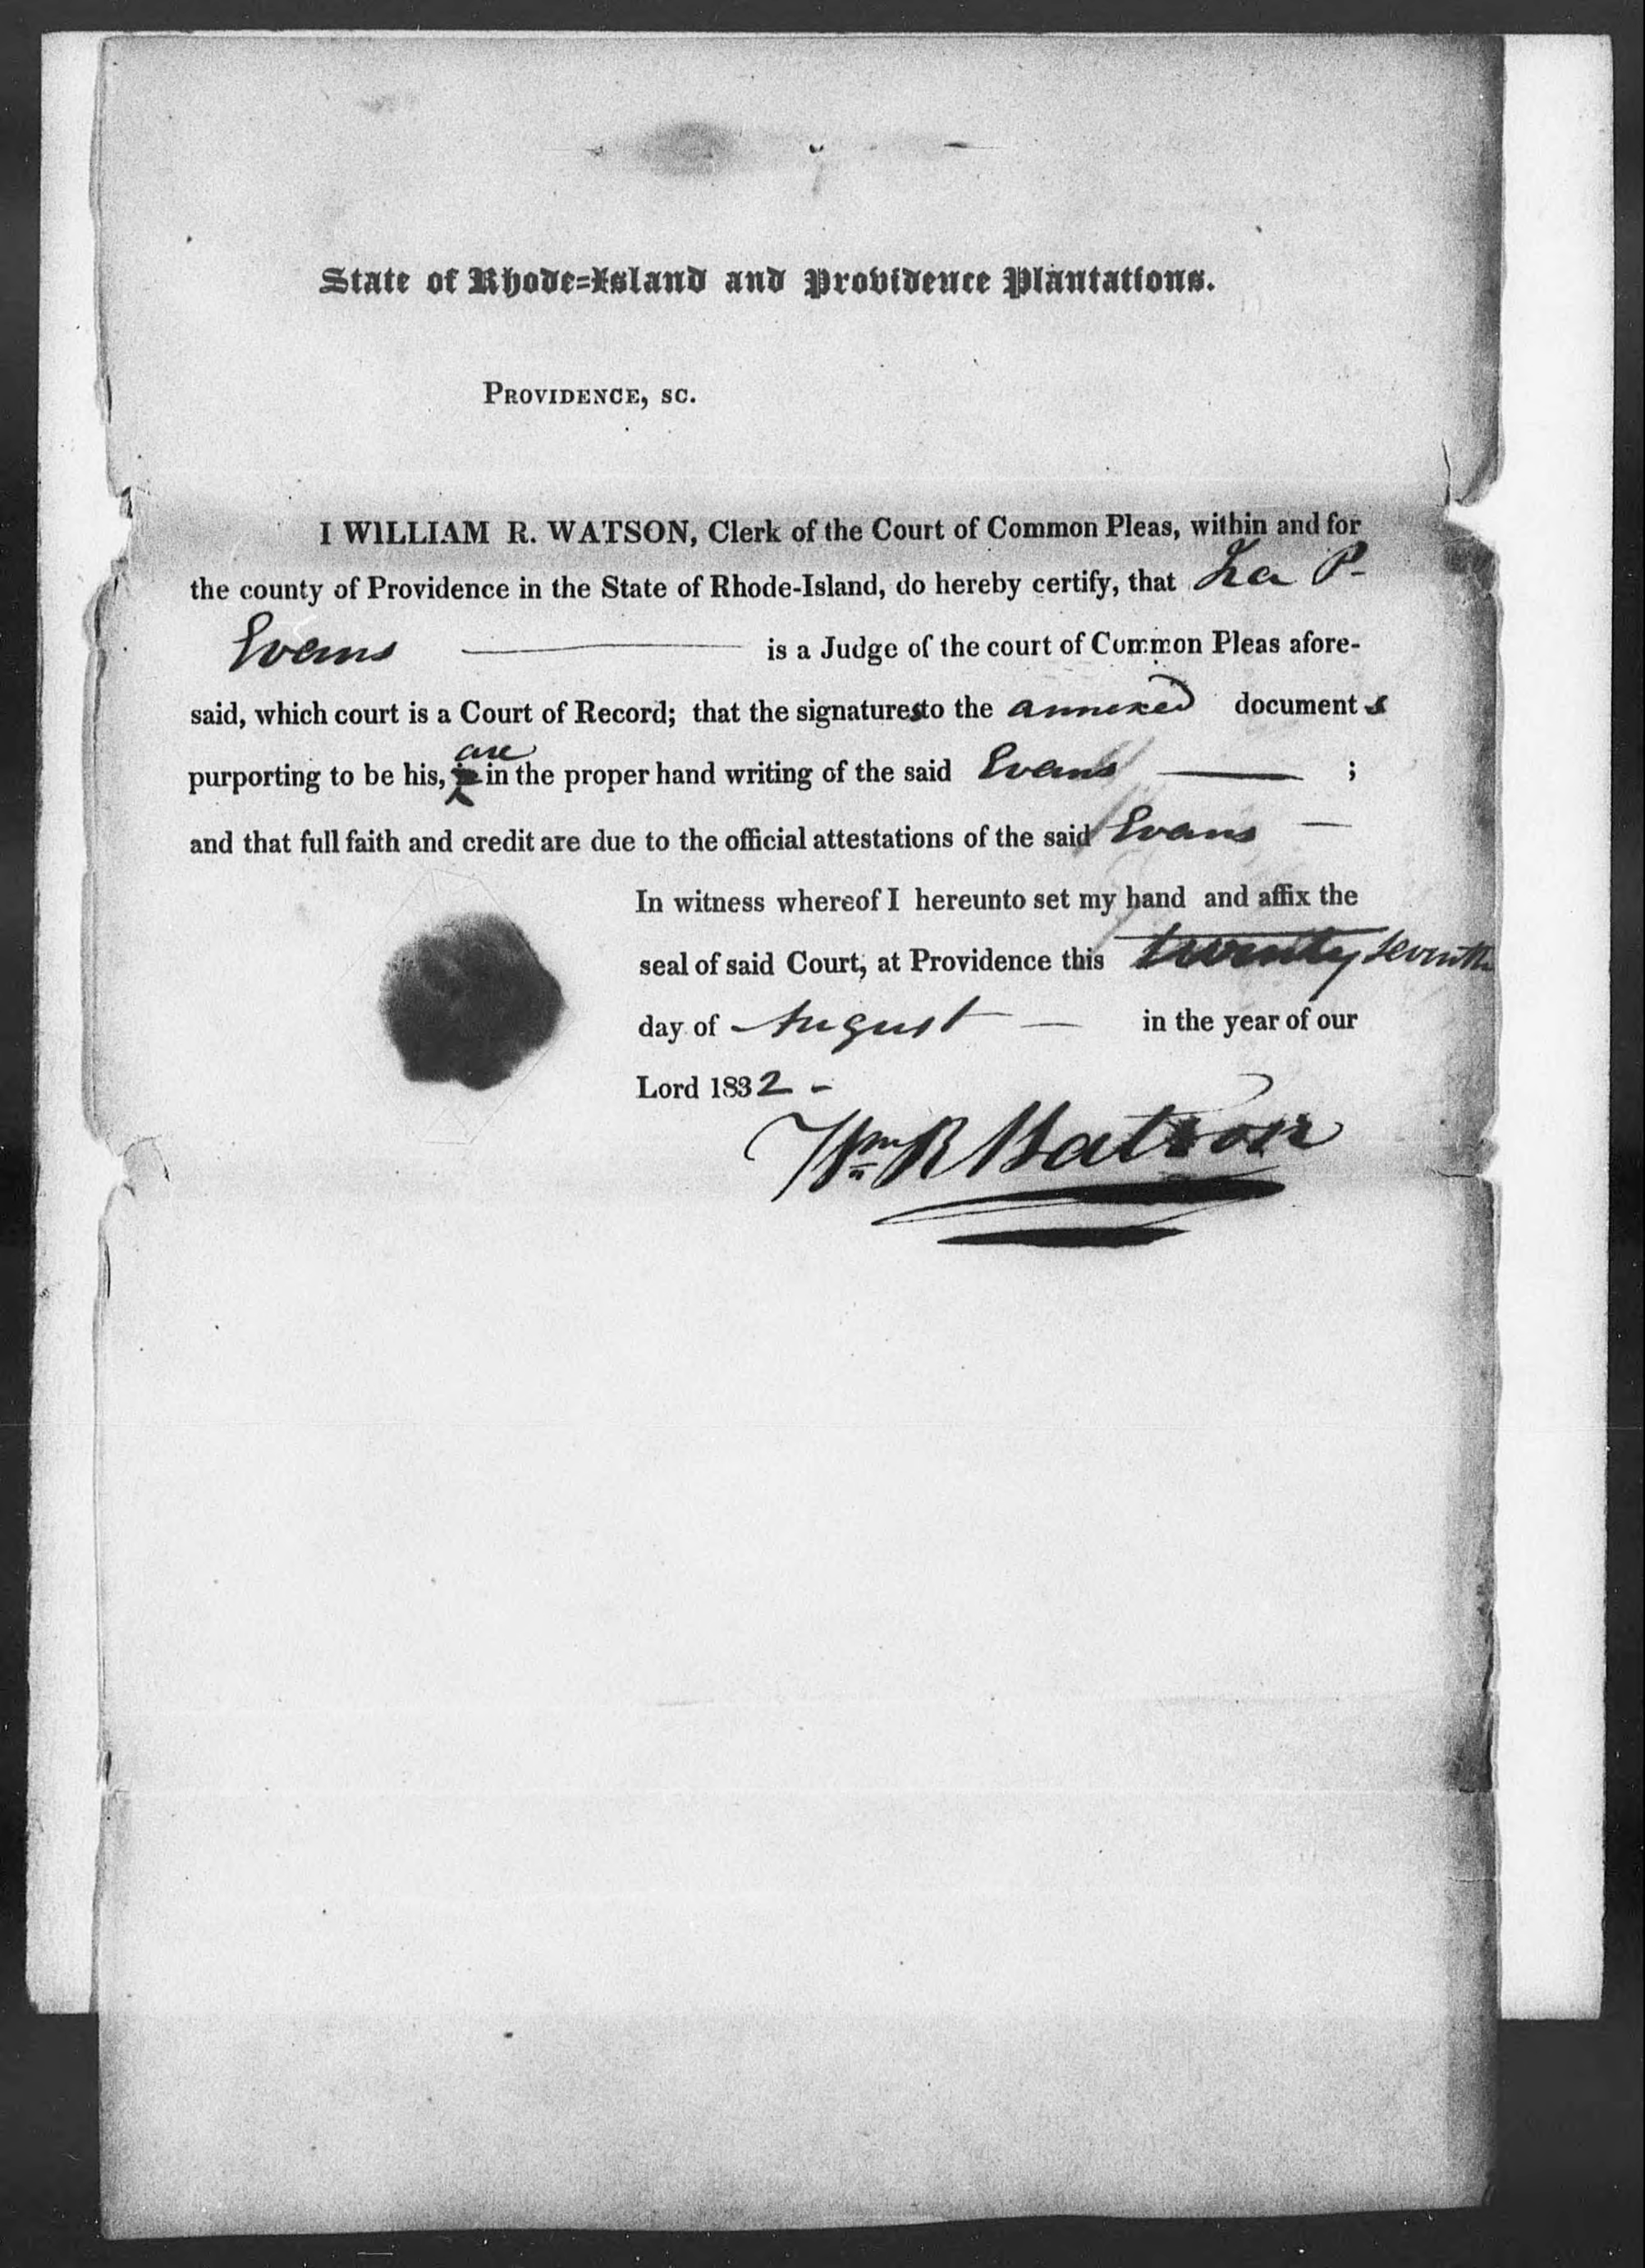State of Rhode-Island and Providence Plantations.
PROVIDENCE, SC.

I WILLIAM R. WATSON, Clerk of the Court of Common Pleas, within and for
the county of Providence in the State of Rhode-Island, do hereby certify, that Ira P
Evans
---
is a Judge of the court of Common Pleas aforesaid
, which court is a Court of Record; that the signature to the annexed documents
purporting to be his, in the proper hand writing of the said Evans and
that full faith and credit are due to the official attestations of the said Evans
---
In witness whereof I hereunto set my hand and affix the
seal of said Court, at Providence this twenty seventh 
day of August in 
the year of our
Lord 1832 --
/s/ Wm R Watson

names: William R Watson, Wm R Watson, Ira P Evans, Evans, Evans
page: 13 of 17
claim: survivor's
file: S. 21285, Daniel Hicks, R.I.